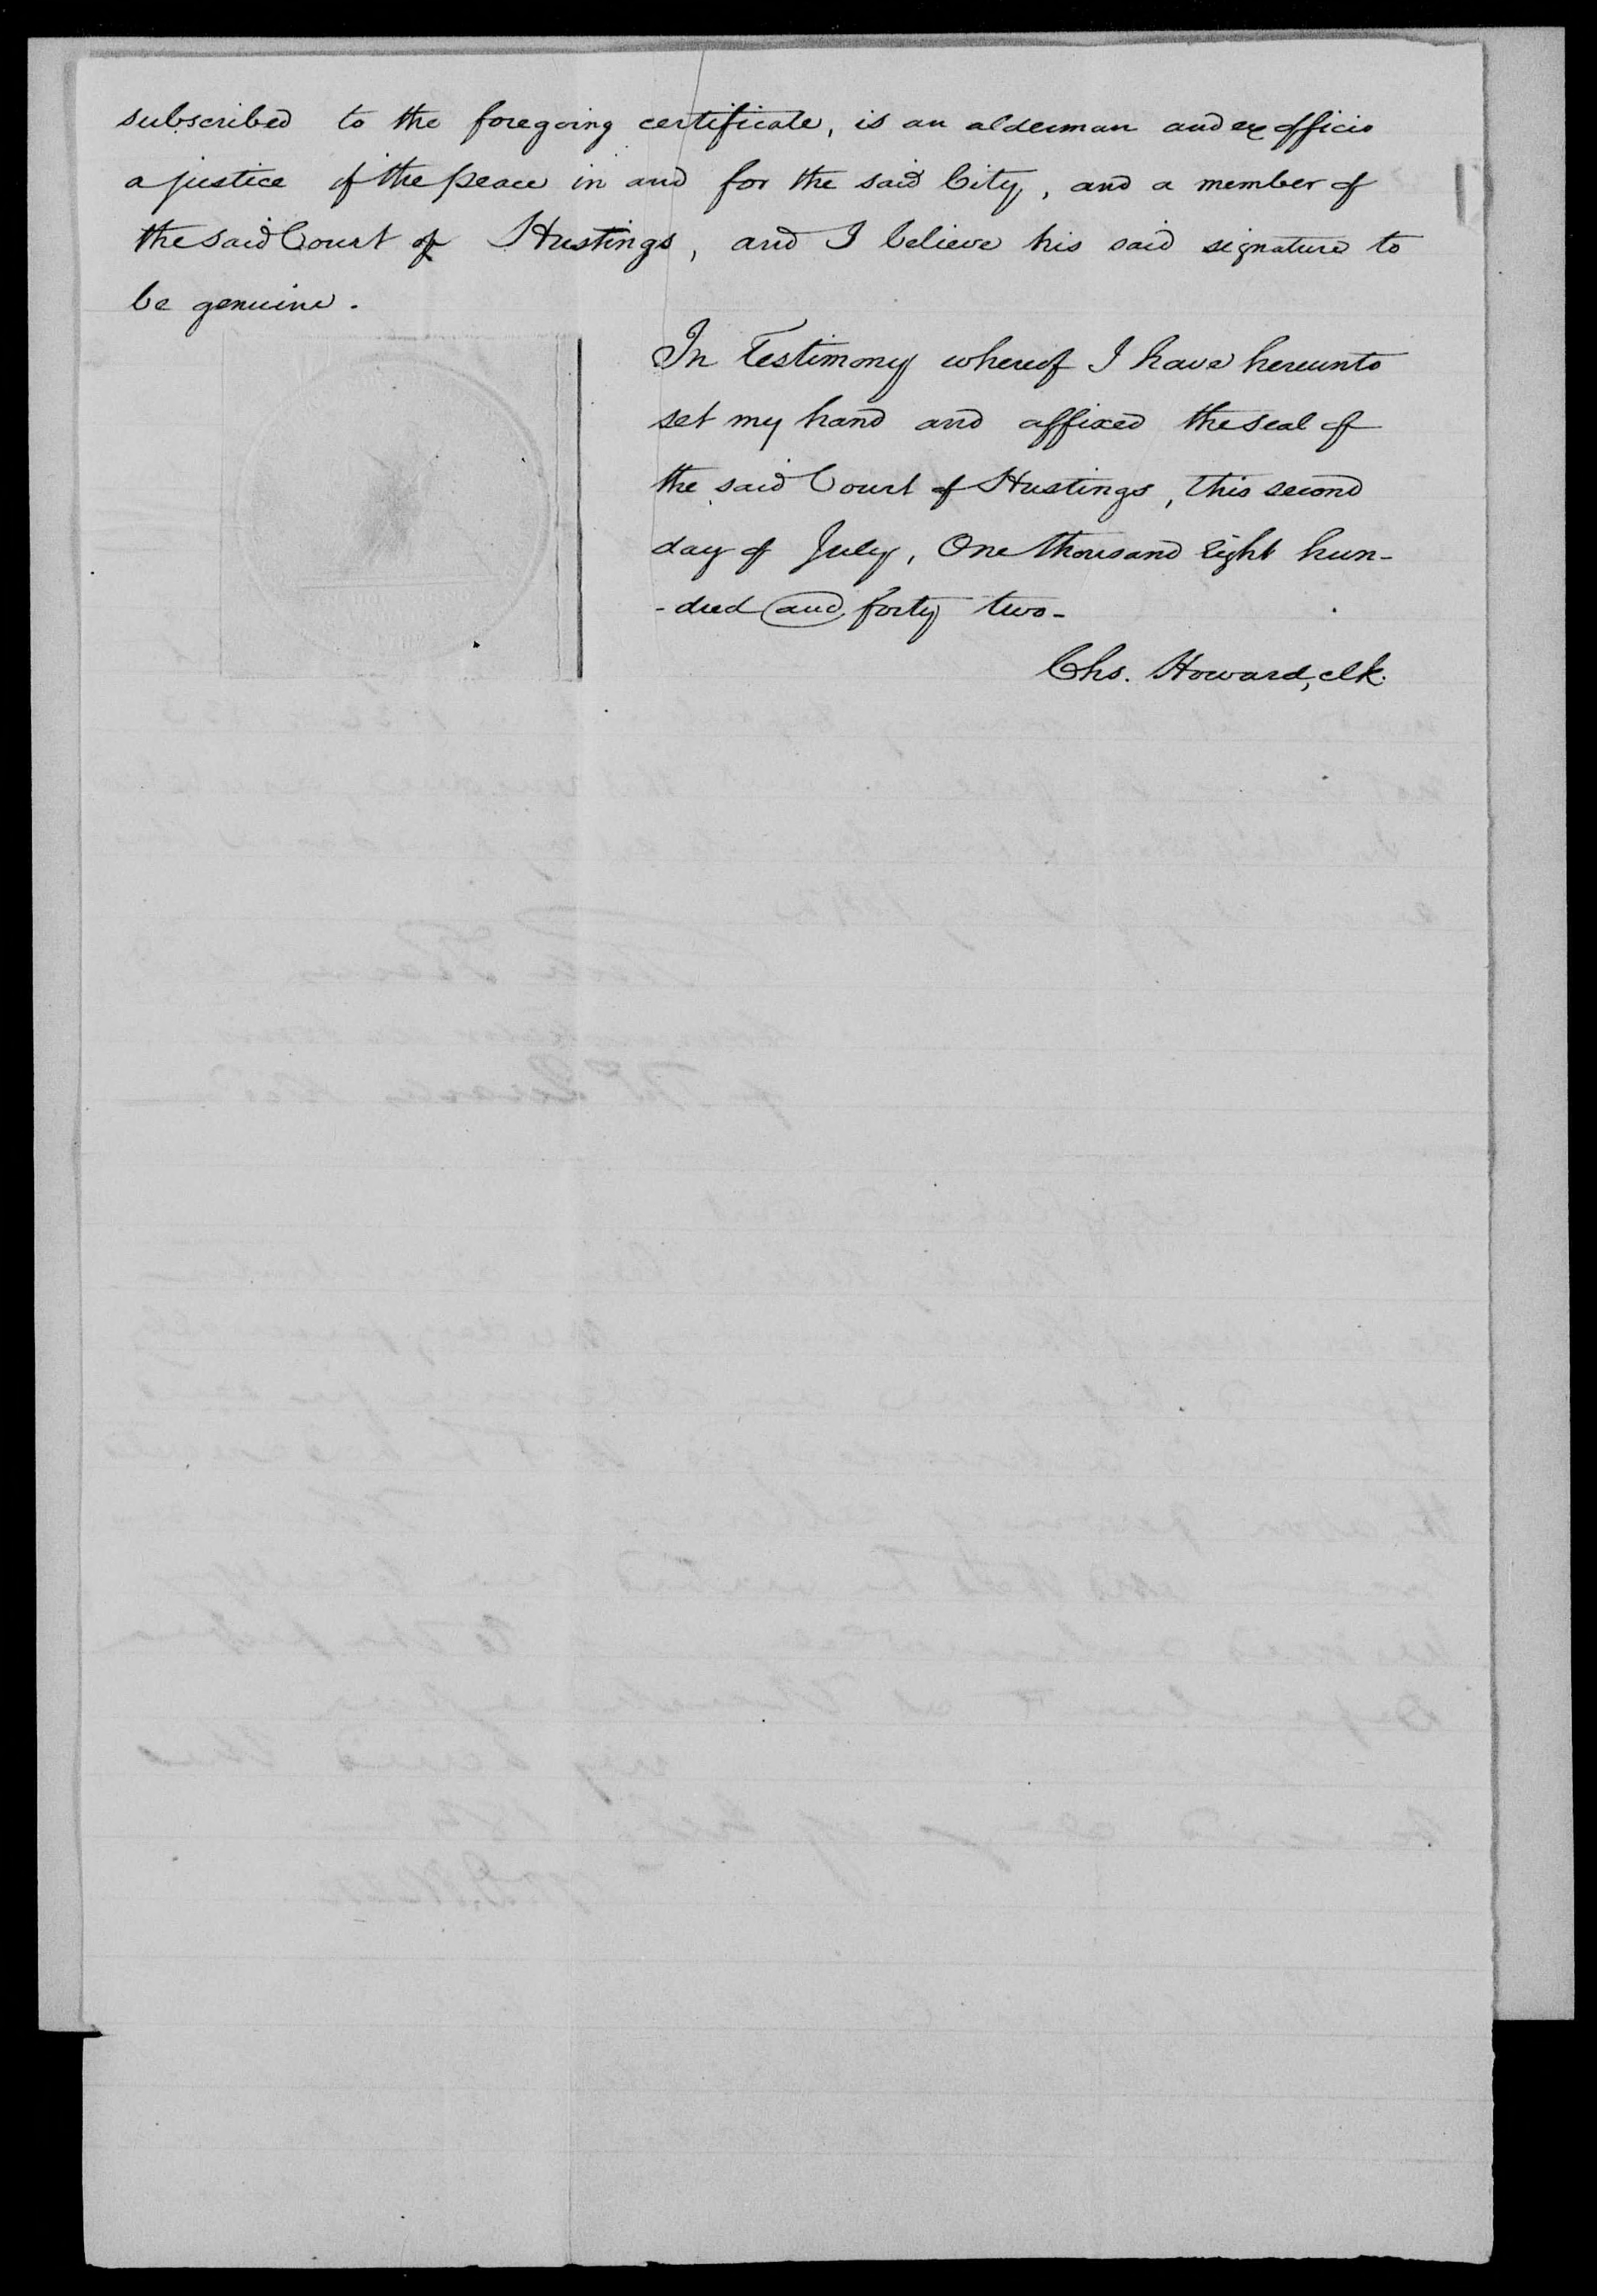subscribed to the foregoing certificate, is an alderman and ex officio a justice of the peace in and for the said City, and a member of the said Court of Hustings, and I believe his said signature to be genuine.

In Testimony whereof I have hereunto set my hand and affixed the seal of the said Court of Hustings, this second day of July, One thousand eight hundred and forty two.

Chs. Howard, clk.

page: 3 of 22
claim: rejected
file: R. 17251, for Thomas Quarles, Virginia